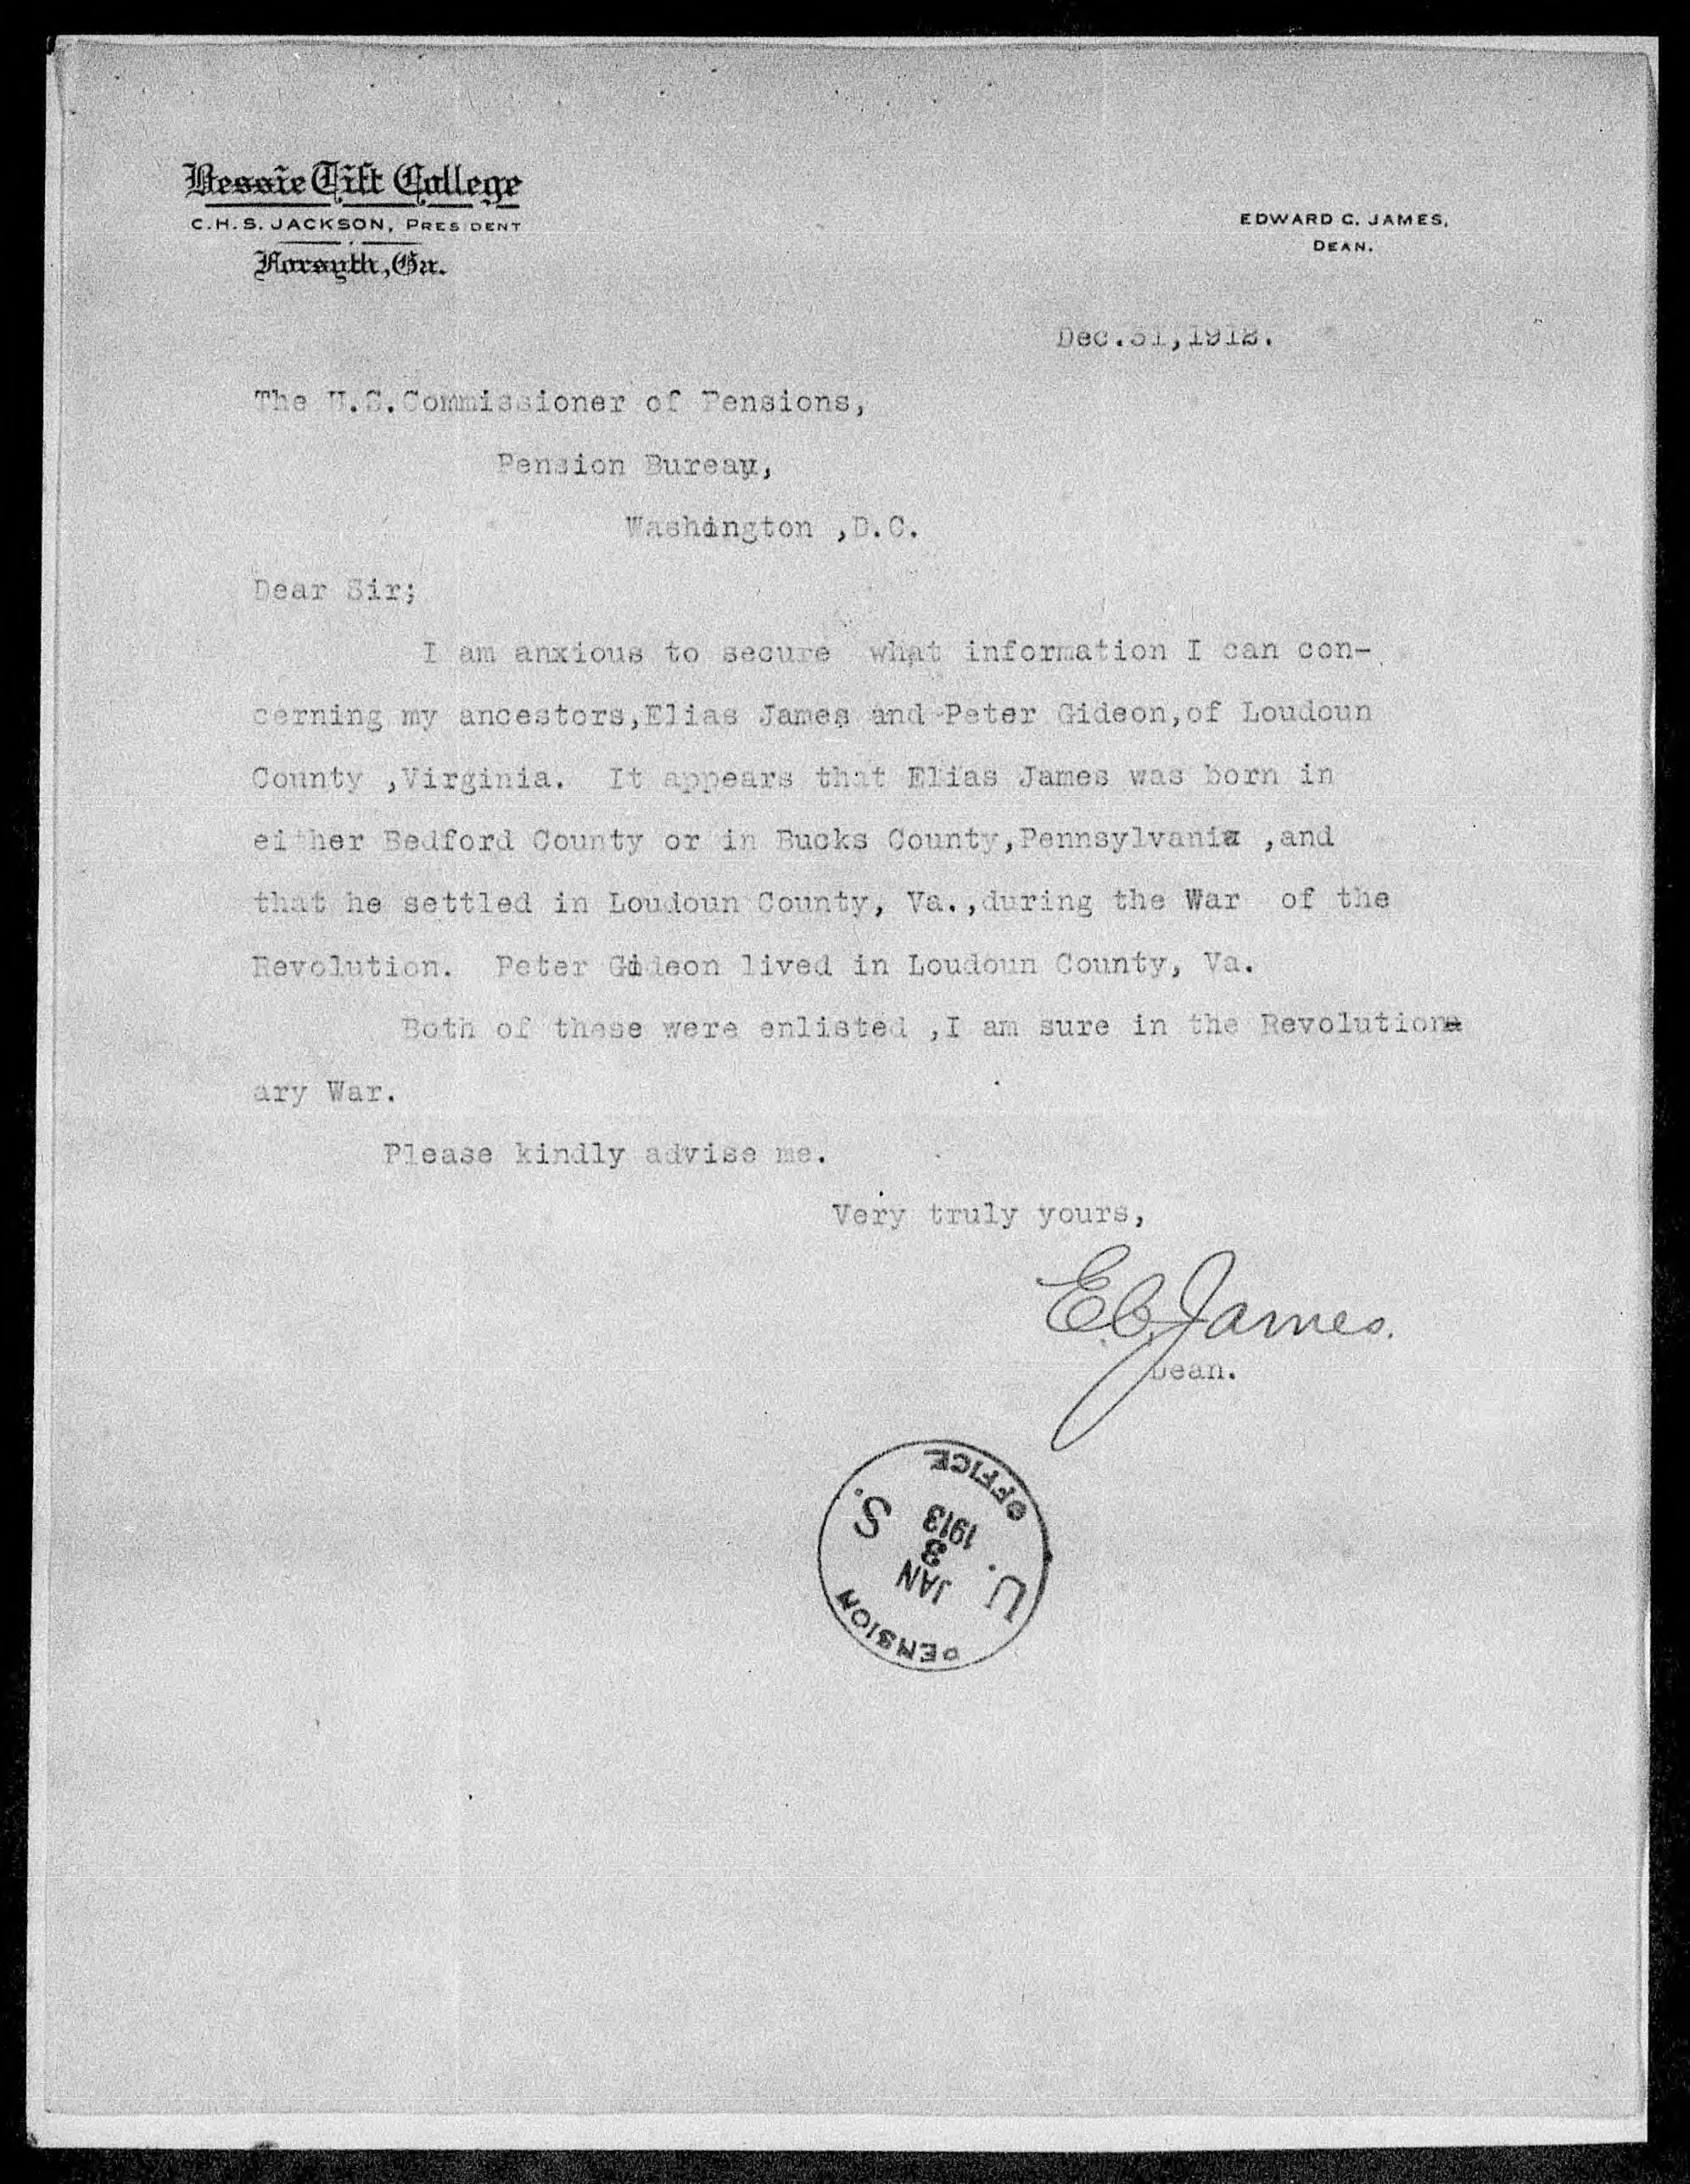Bessie Gift College
C.H.S. Jackso, President
Foresyth GA


The U.S. Commissioner of Pensions,
Pension Bureau,
Washington, D.C.

Dear Sir;
I am anxious to secure what information I can concerning my ancestors, Elias James and Peter Gideon, of Loudoun County, Virginia. It appears that Elias James was born in
either Bedford County or in Bucks County, Pennsylvania, and that he settled in Loudoun County, Va., during the War of the
Revolution, Peter Gideon lived in Loudoun County, Va.
Both of these were enlisted, I am sure in the Revolution
Please kindly advise me.
Very truly yours,
E.B. James
Dean

[stamped US Pension office Jan 3, 1913]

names: E C James, Edward C James, Elias James, Peter Gideon, C H S Jackson, Peter Gideon, Elias James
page: 47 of 64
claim: survivor's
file: S. 6887, Peter Gideon, Md.